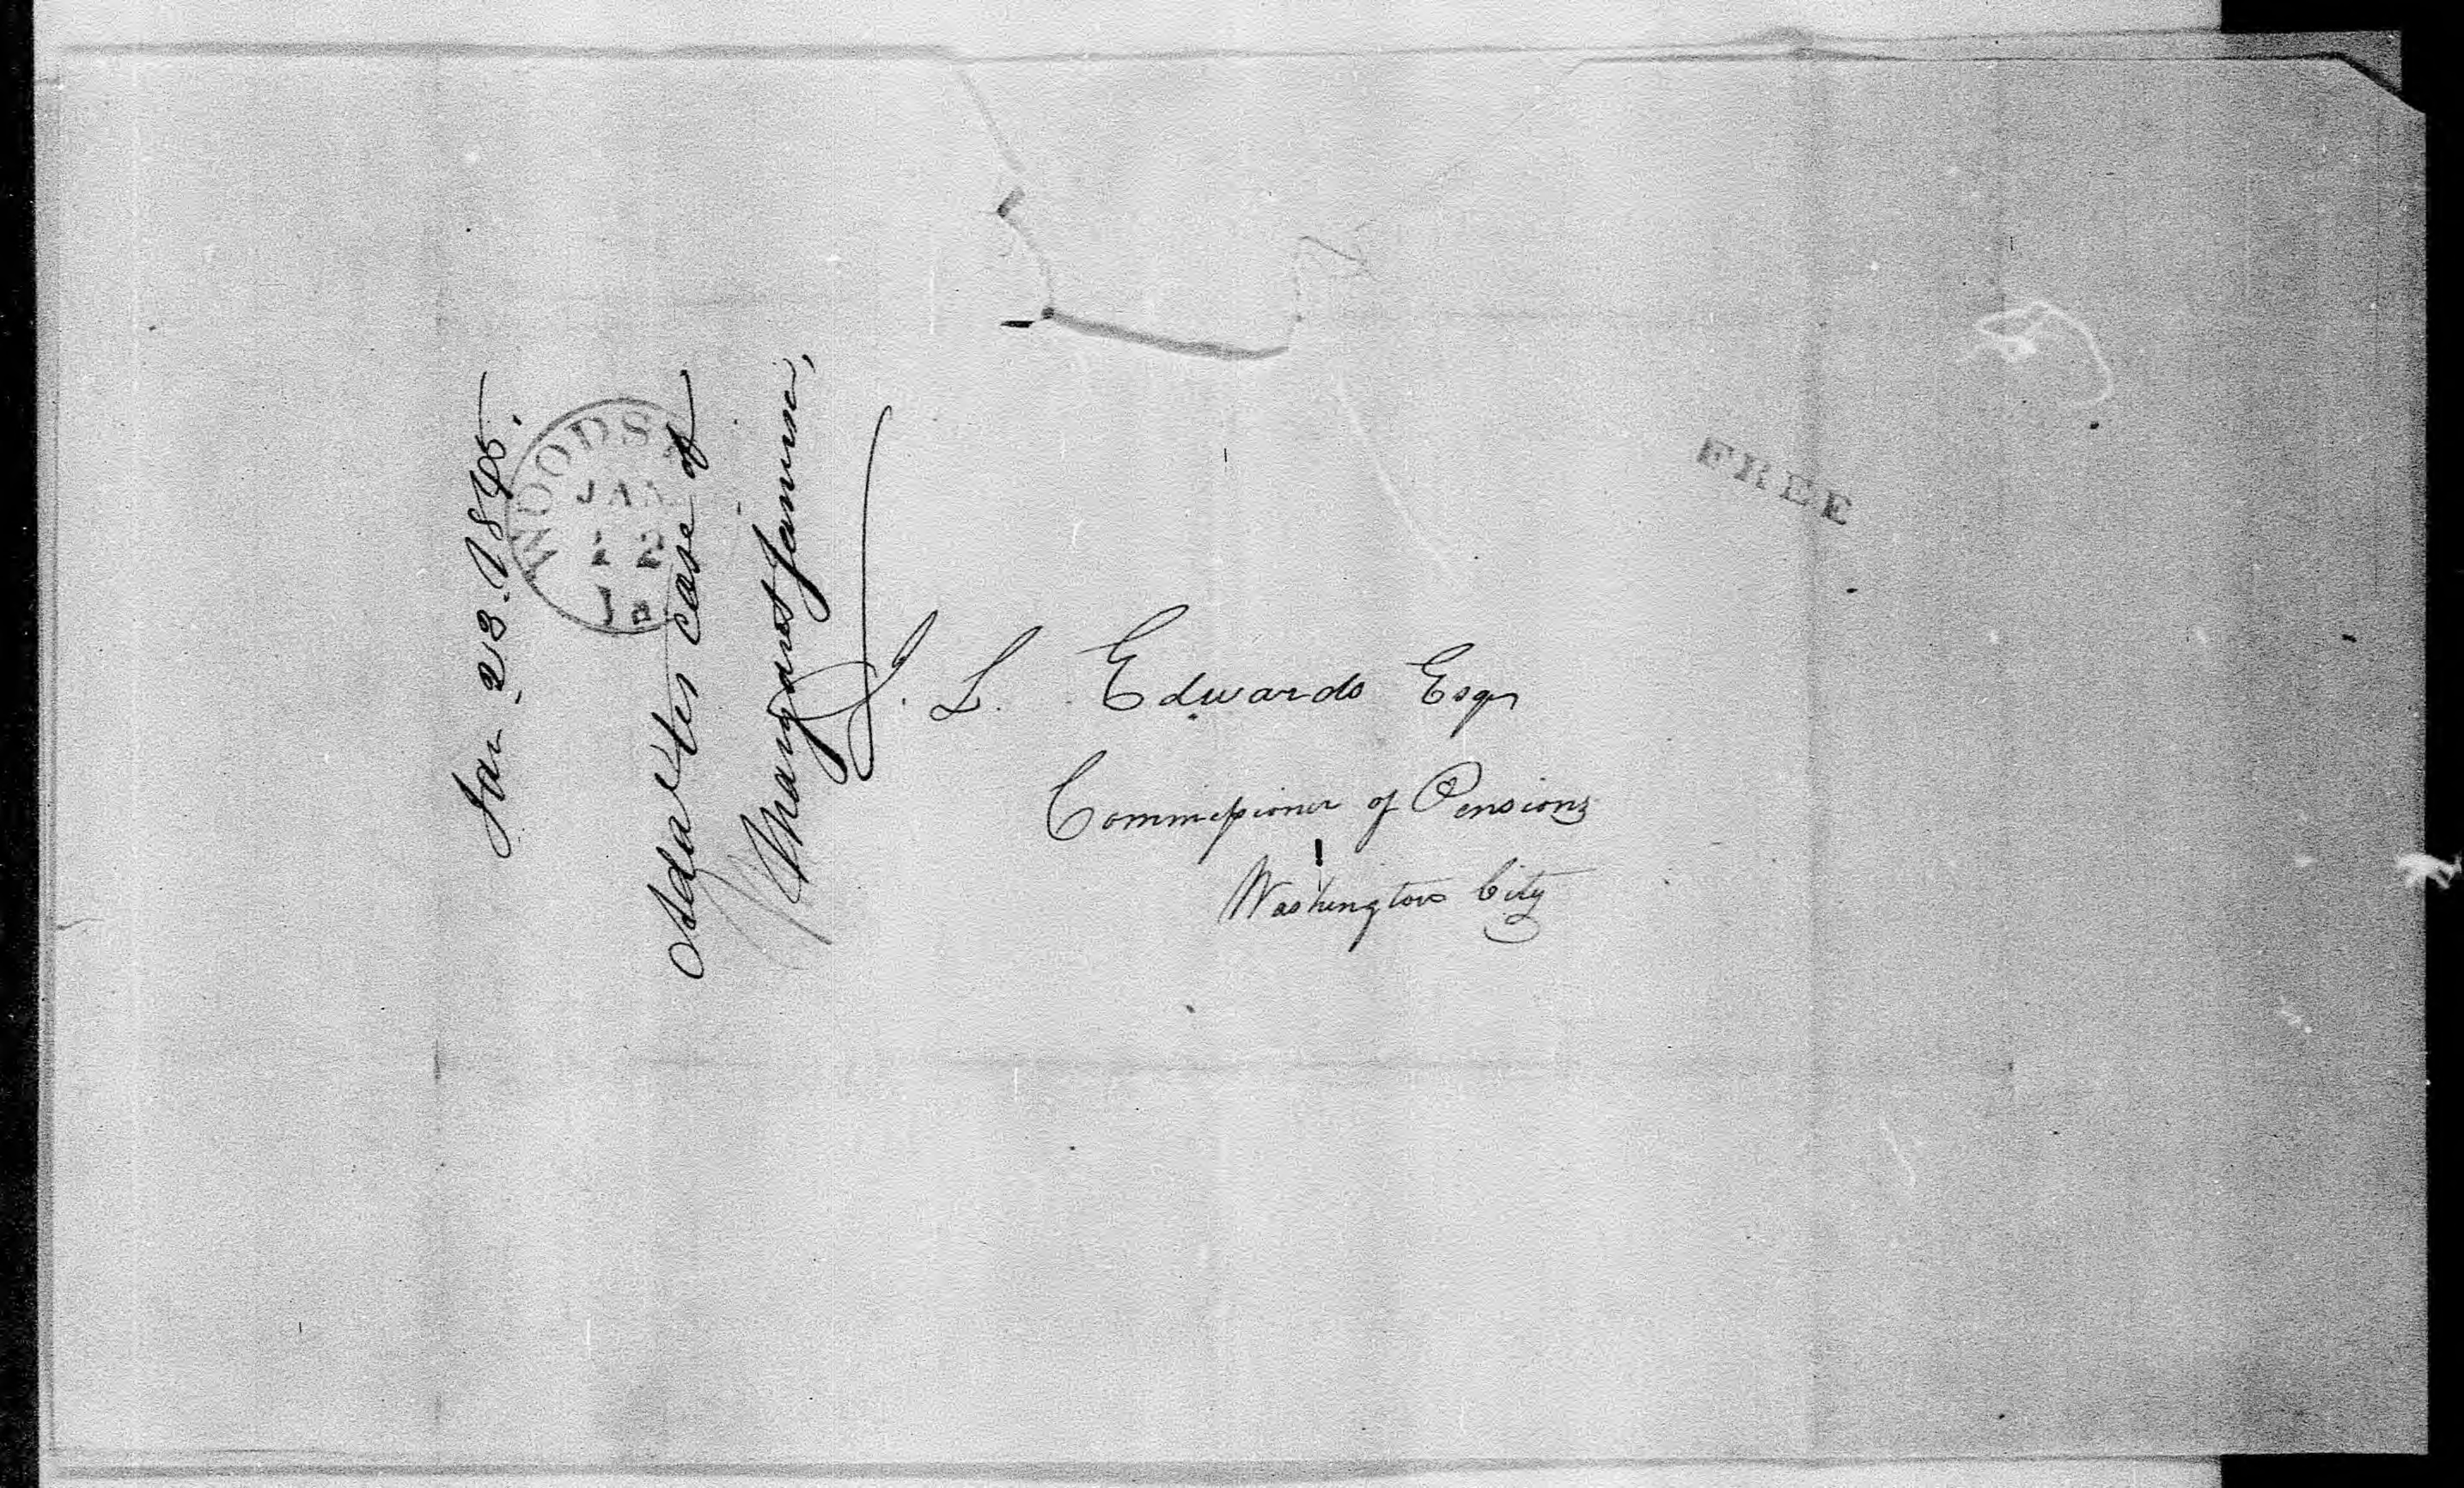[On the left side of the page, perpendicular to the page.]
Jan. 23, 1845
[illegible] case of
Margaret Jameson

FREE
J. L. Edwards
Commissioner of Pensions
Washington City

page: 17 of 28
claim: widow's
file: W. 5112, for Samuel Jamieson, Virginia